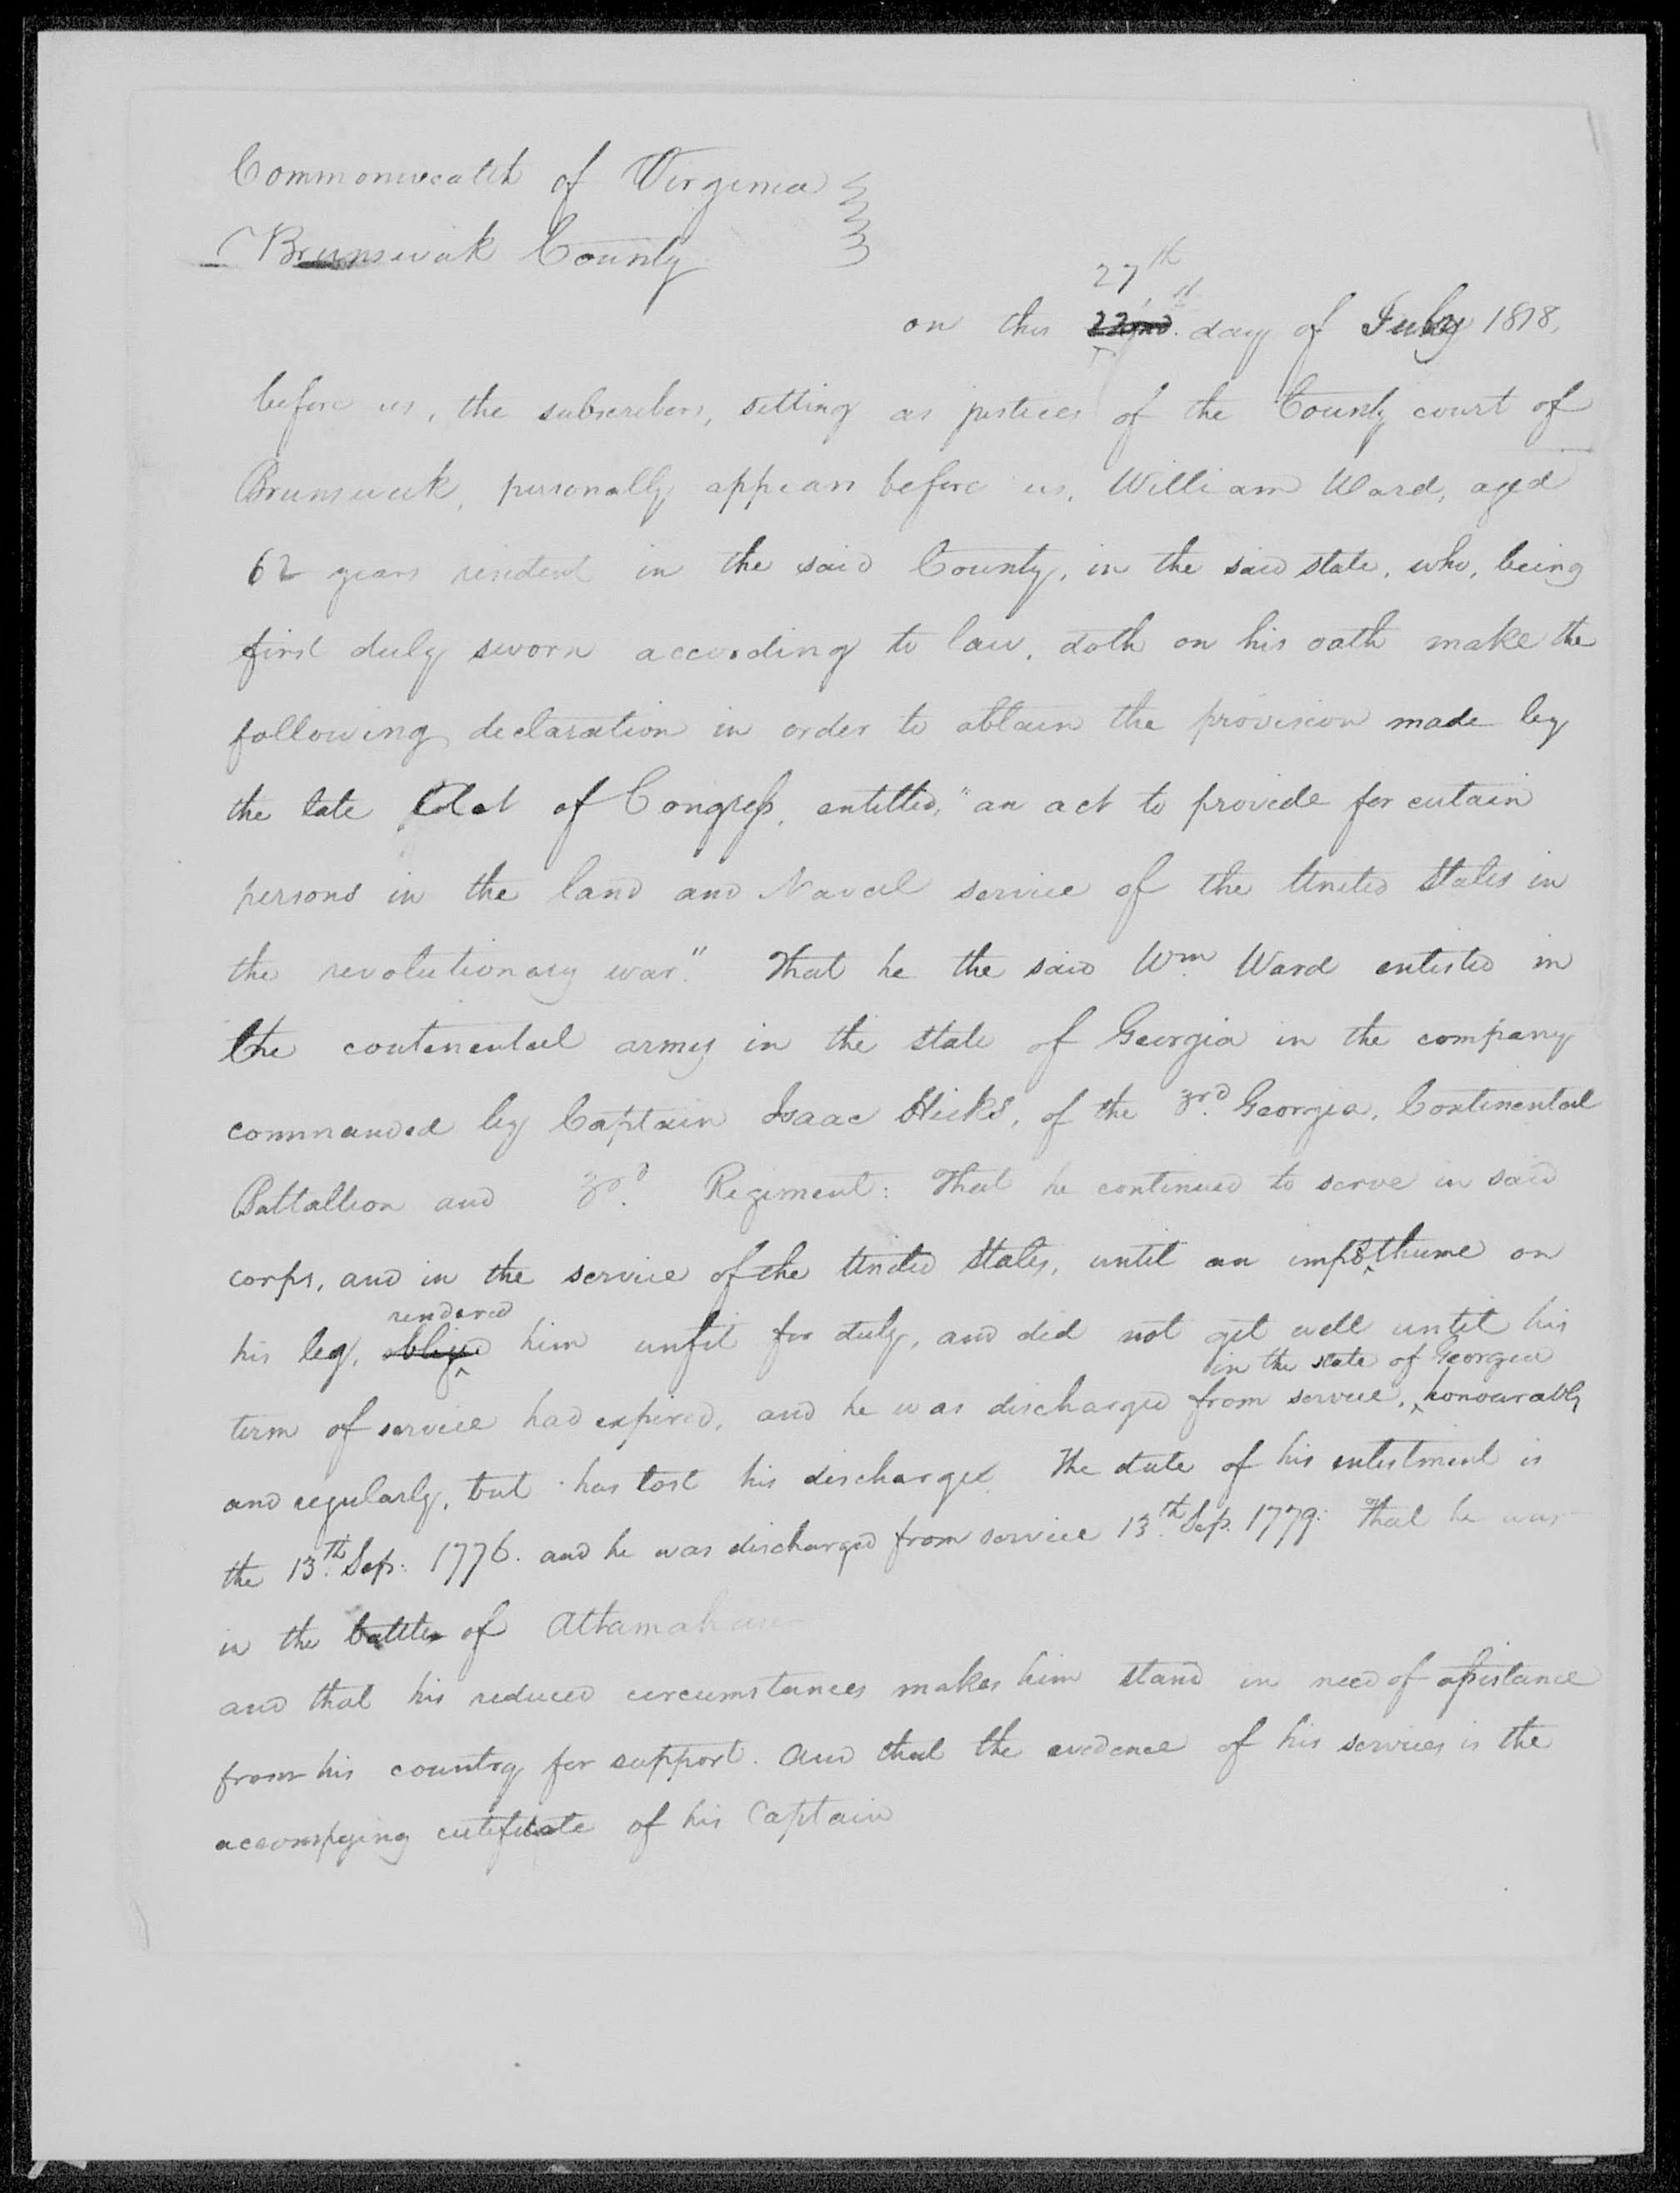Commonwealth of Virginia }
Brunswick County                }
on this 27th day of July 1818 before us, the subscribers, sitting as Justices of the County Court of Brunswick, personally appears before us, William Ward, aged 62 years resident in the said County, in the said state, who, being
first duly sworn according to law, doth on his oath make the following declaration in order to obtain the provision made by the late Act of Congress, entitled, "an act to provide for certain persons in the land and Naval service of the United States in the revolutionary war". That he the said Wm Ward enlisted in the continental army in the State of Georgia in the company commanded by Captain Isaac Hicks, of the 3rd Georgia Continental Battallion and
3rd Regiment. That he continued to serve in said corps, and in the service of the United States, until an imposthume on his leg 
rendered him unfit for duly, and did not get well until his term of service had expired, and he was discharged from service in the State of Georgia, honourably and regularly, but has lost his discharge. The date of his enlistment is
the 13th Sept 1776 and he was discharged from service 13th Sept 1779. That he was
in the battle of Altamaha and that his reduced circumstances make him stand in need of assistance from his country for support. And that the evidence of his services in the
accompying certificate of his Captain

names: Wm Ward, Isaac Hicks, William Ward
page: 3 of 17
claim: survivor's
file: S. 42053, William Ward, Ga.